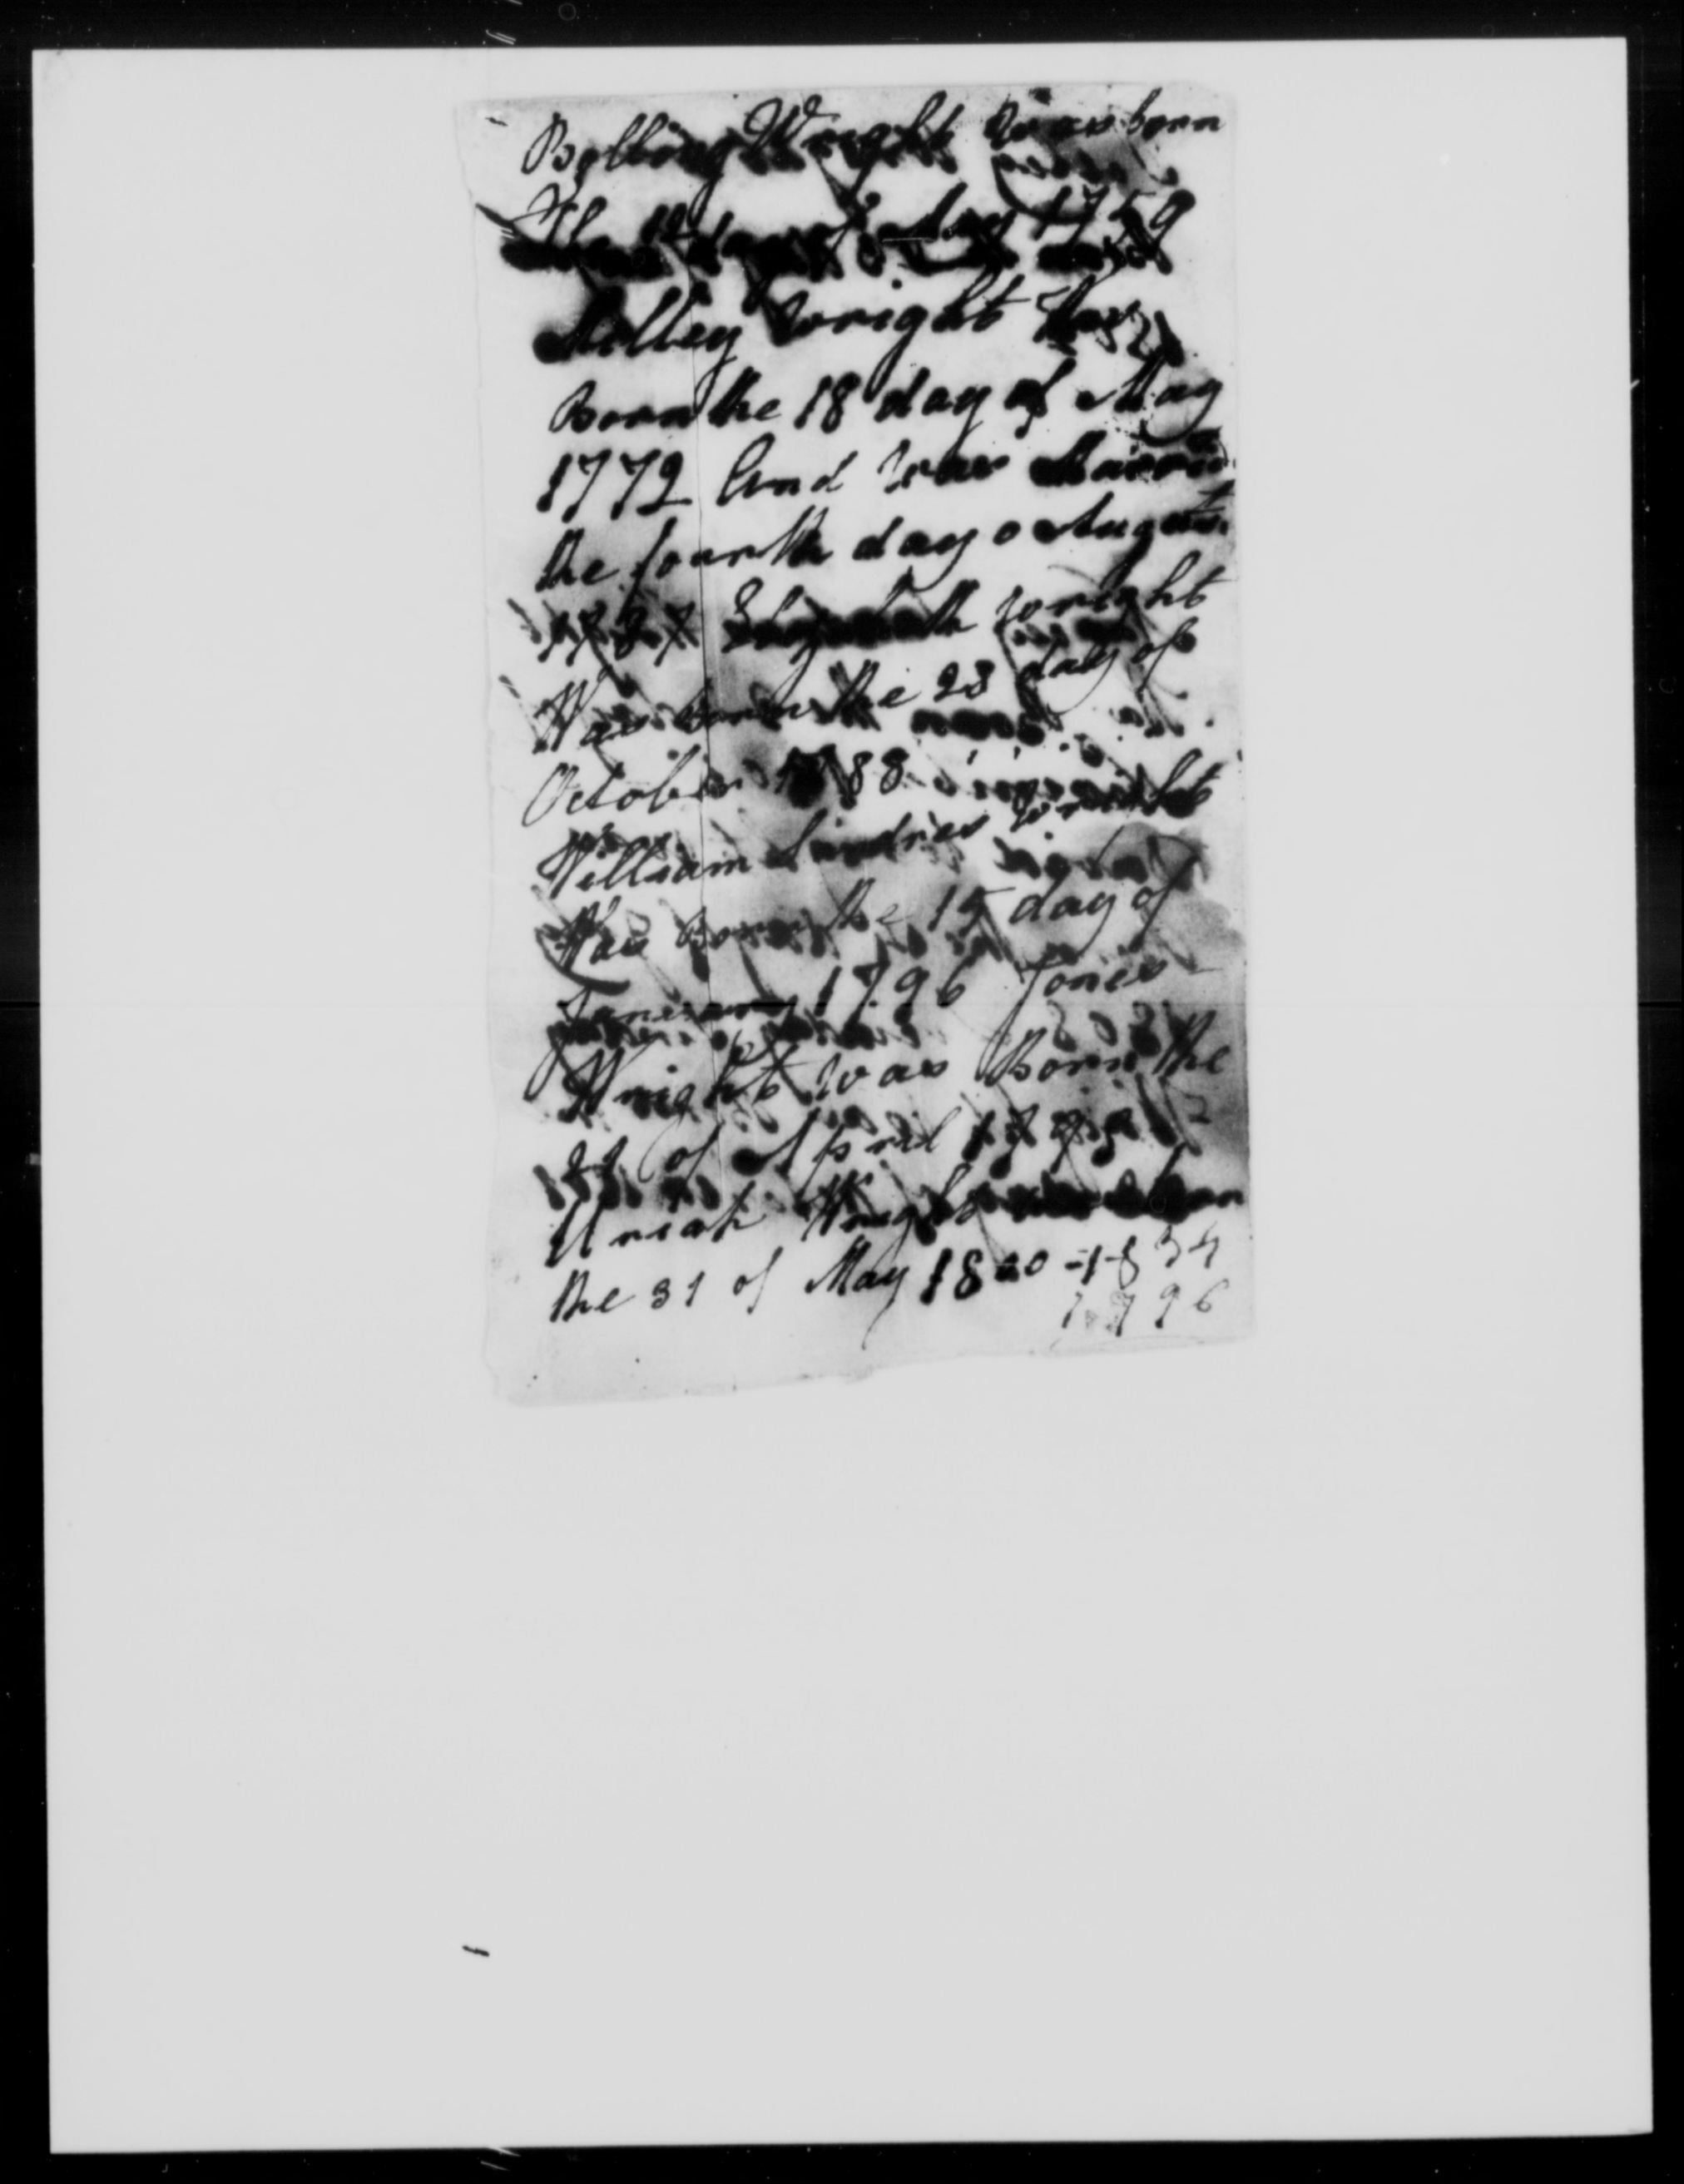Bolling Wright was born the 15 day of Aug 1759
Salley Wright was born the 18 day of May 1772 And was born the fourth day october 1737 Elizabeth Wright Was born the 23 day of October 1788 
William Sindrew was born the 15 day of January 1796 Jonce Wright was Born the 21 of April 1773 
Hannah Wright was Born the 31 of May 1800-1834
1796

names: Jones Wright, William Sandres Wright, Uriah Wright, Bolling Wright, Milley Wright, Elizabeth Wright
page: 6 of 81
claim: widow's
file: W. 5183, Bolling Wright, Va.